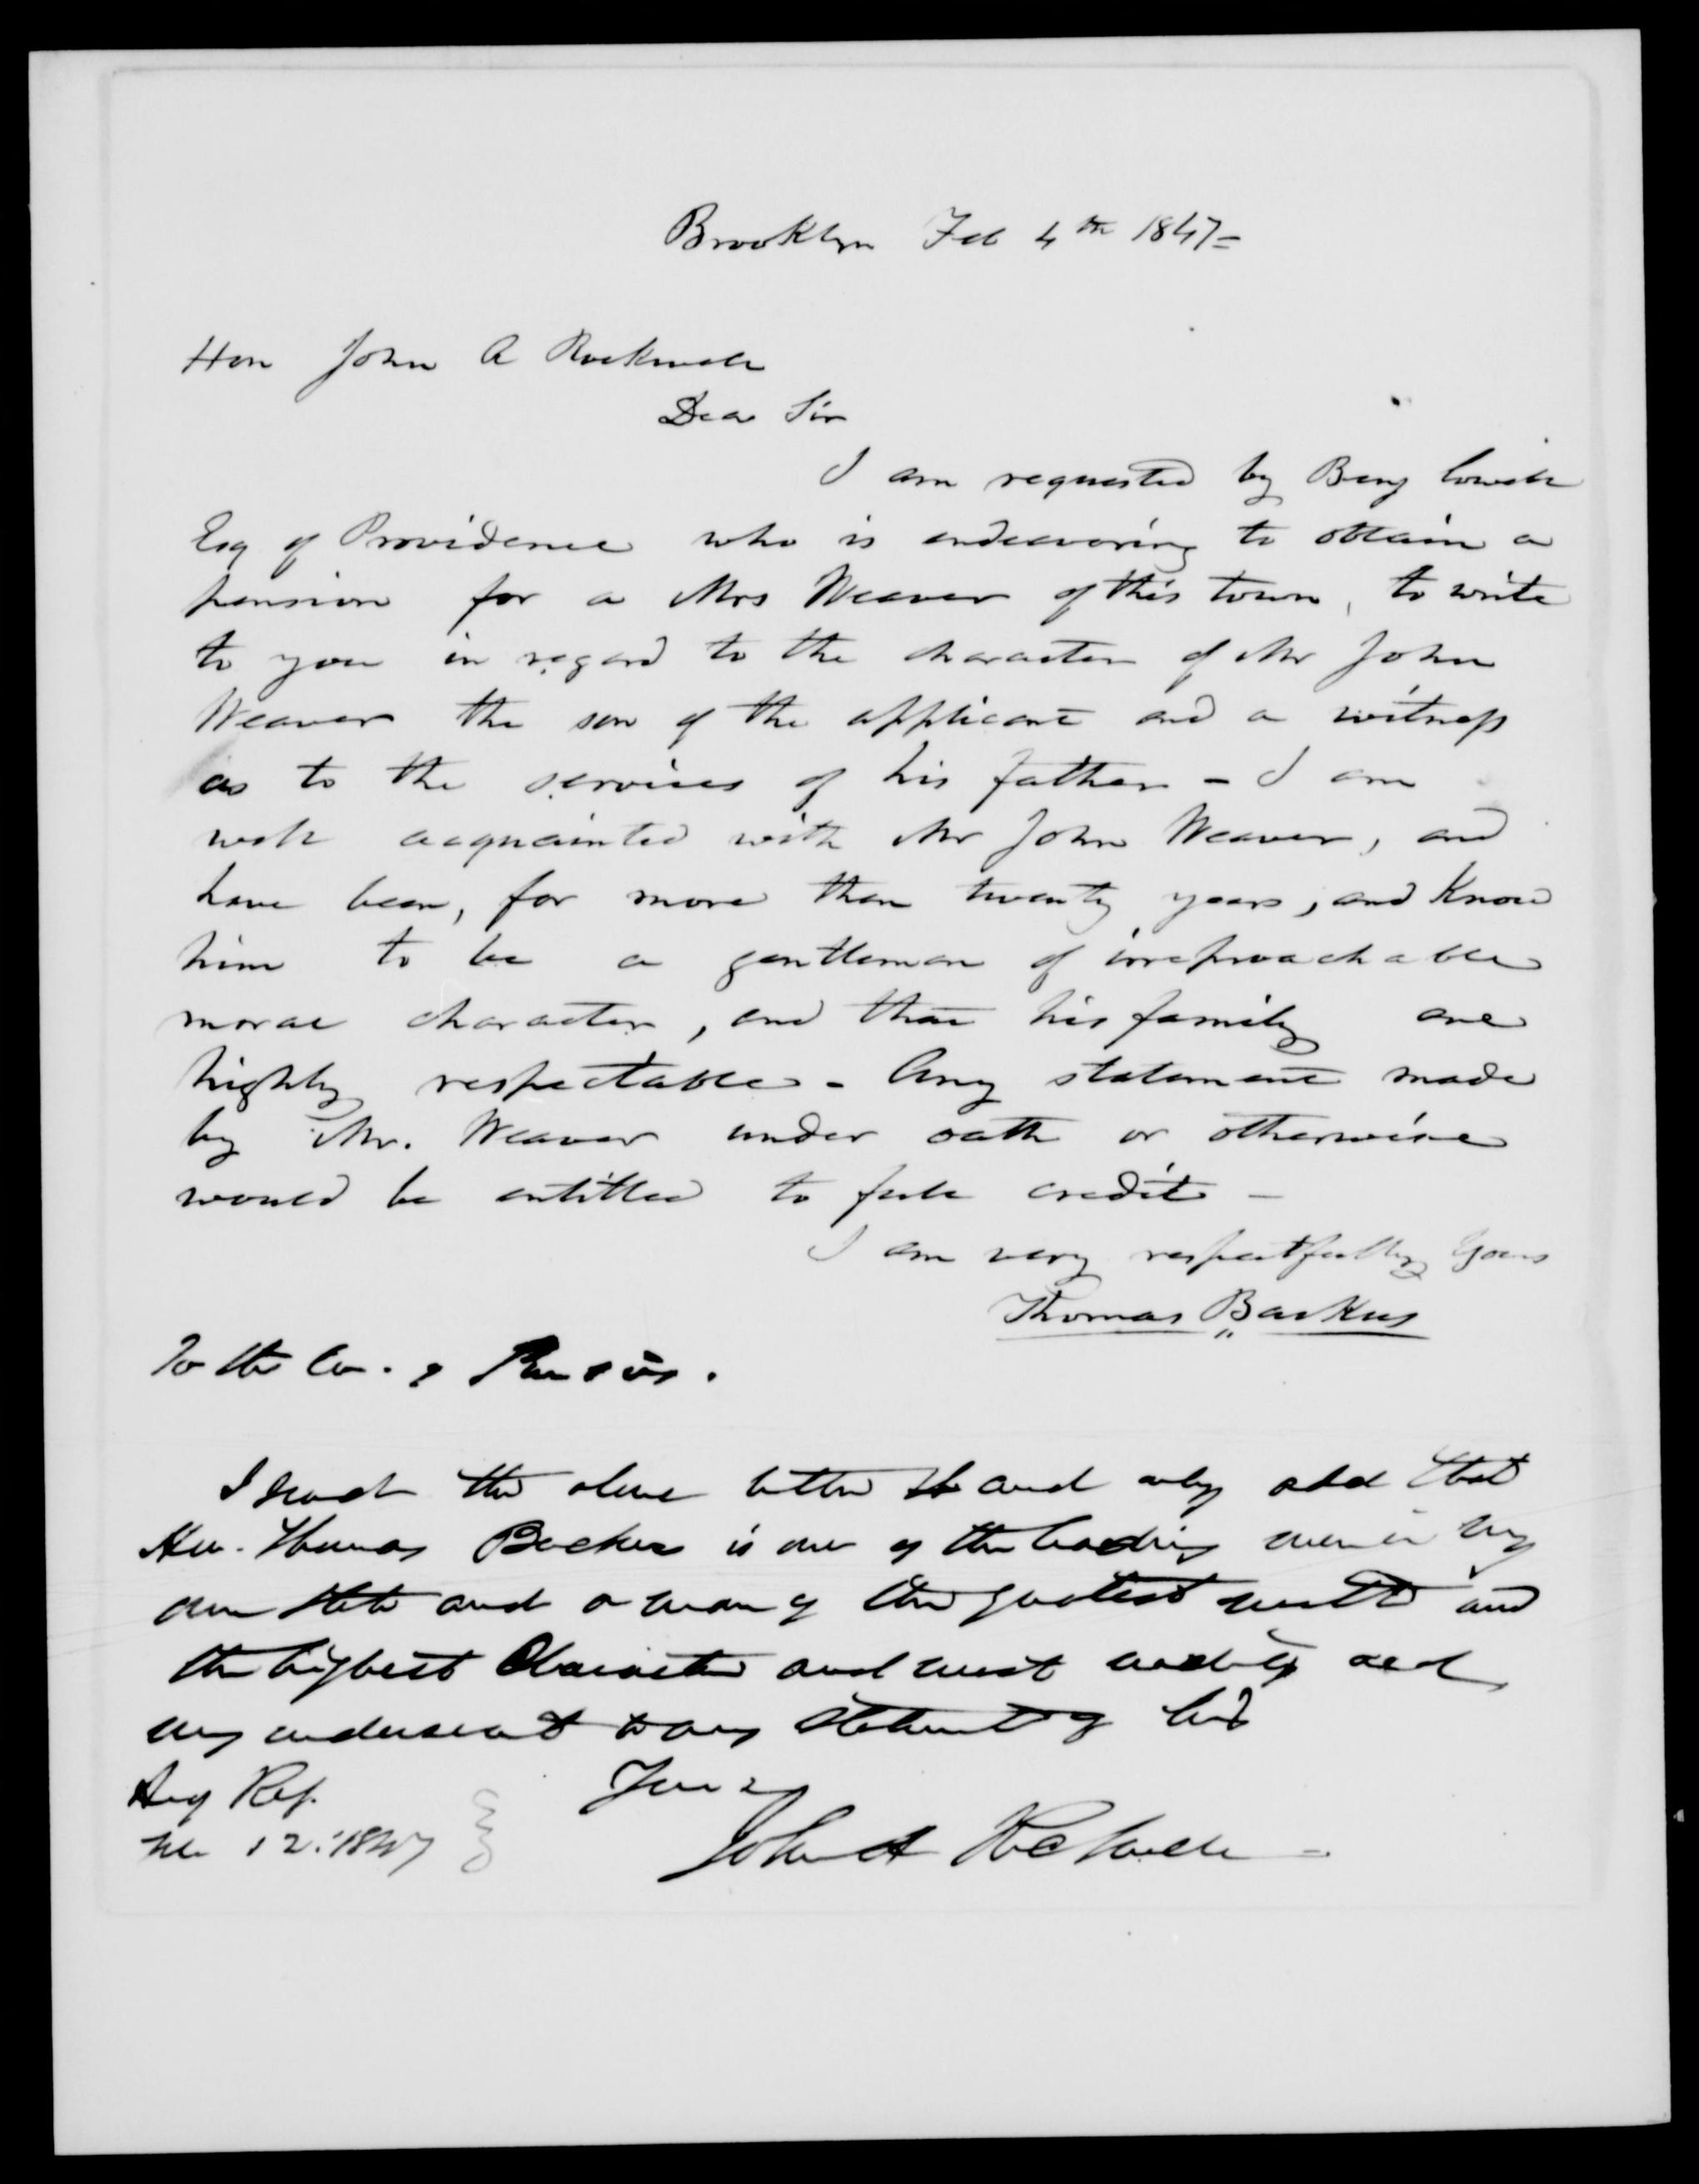Brooklyn Feb 4th 1847

John A Rockwell

Dear Sir

I am requested by Benj Cowell Esq of Providence who is endeavoring to obtain a pension for a Mrs Weaver of this town, to write to you in regard to the character of Mr John Weaver the son of the applicant and a witness as to the services of his father- I am well acquainted with Mr John Weaver, and have been, for more than twenty years, and know him to be a gentleman of impeachable moral character, and that his family highly respectable- Any statement mad by Mr. Weaver under oath or otherwise would be entitled to full credit-

I am very respectfully Yours
Thomas Backus

To the Co of Pensions.
I read the above letter and __ add that Hon. Thomas Backus is one of the ____ ever in my ___ that and a among the greatest with and the object ___ and ___ ___ and any ______ to any statement _____
Aug Ref
File 12. 1847

Yours 
John A Rockwell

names: John A Rockwell, Thomas Barkus, Benj Cowell, John Weaver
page: 31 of 53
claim: widow's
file: W 17707, Benjamin Weaver, R.I.